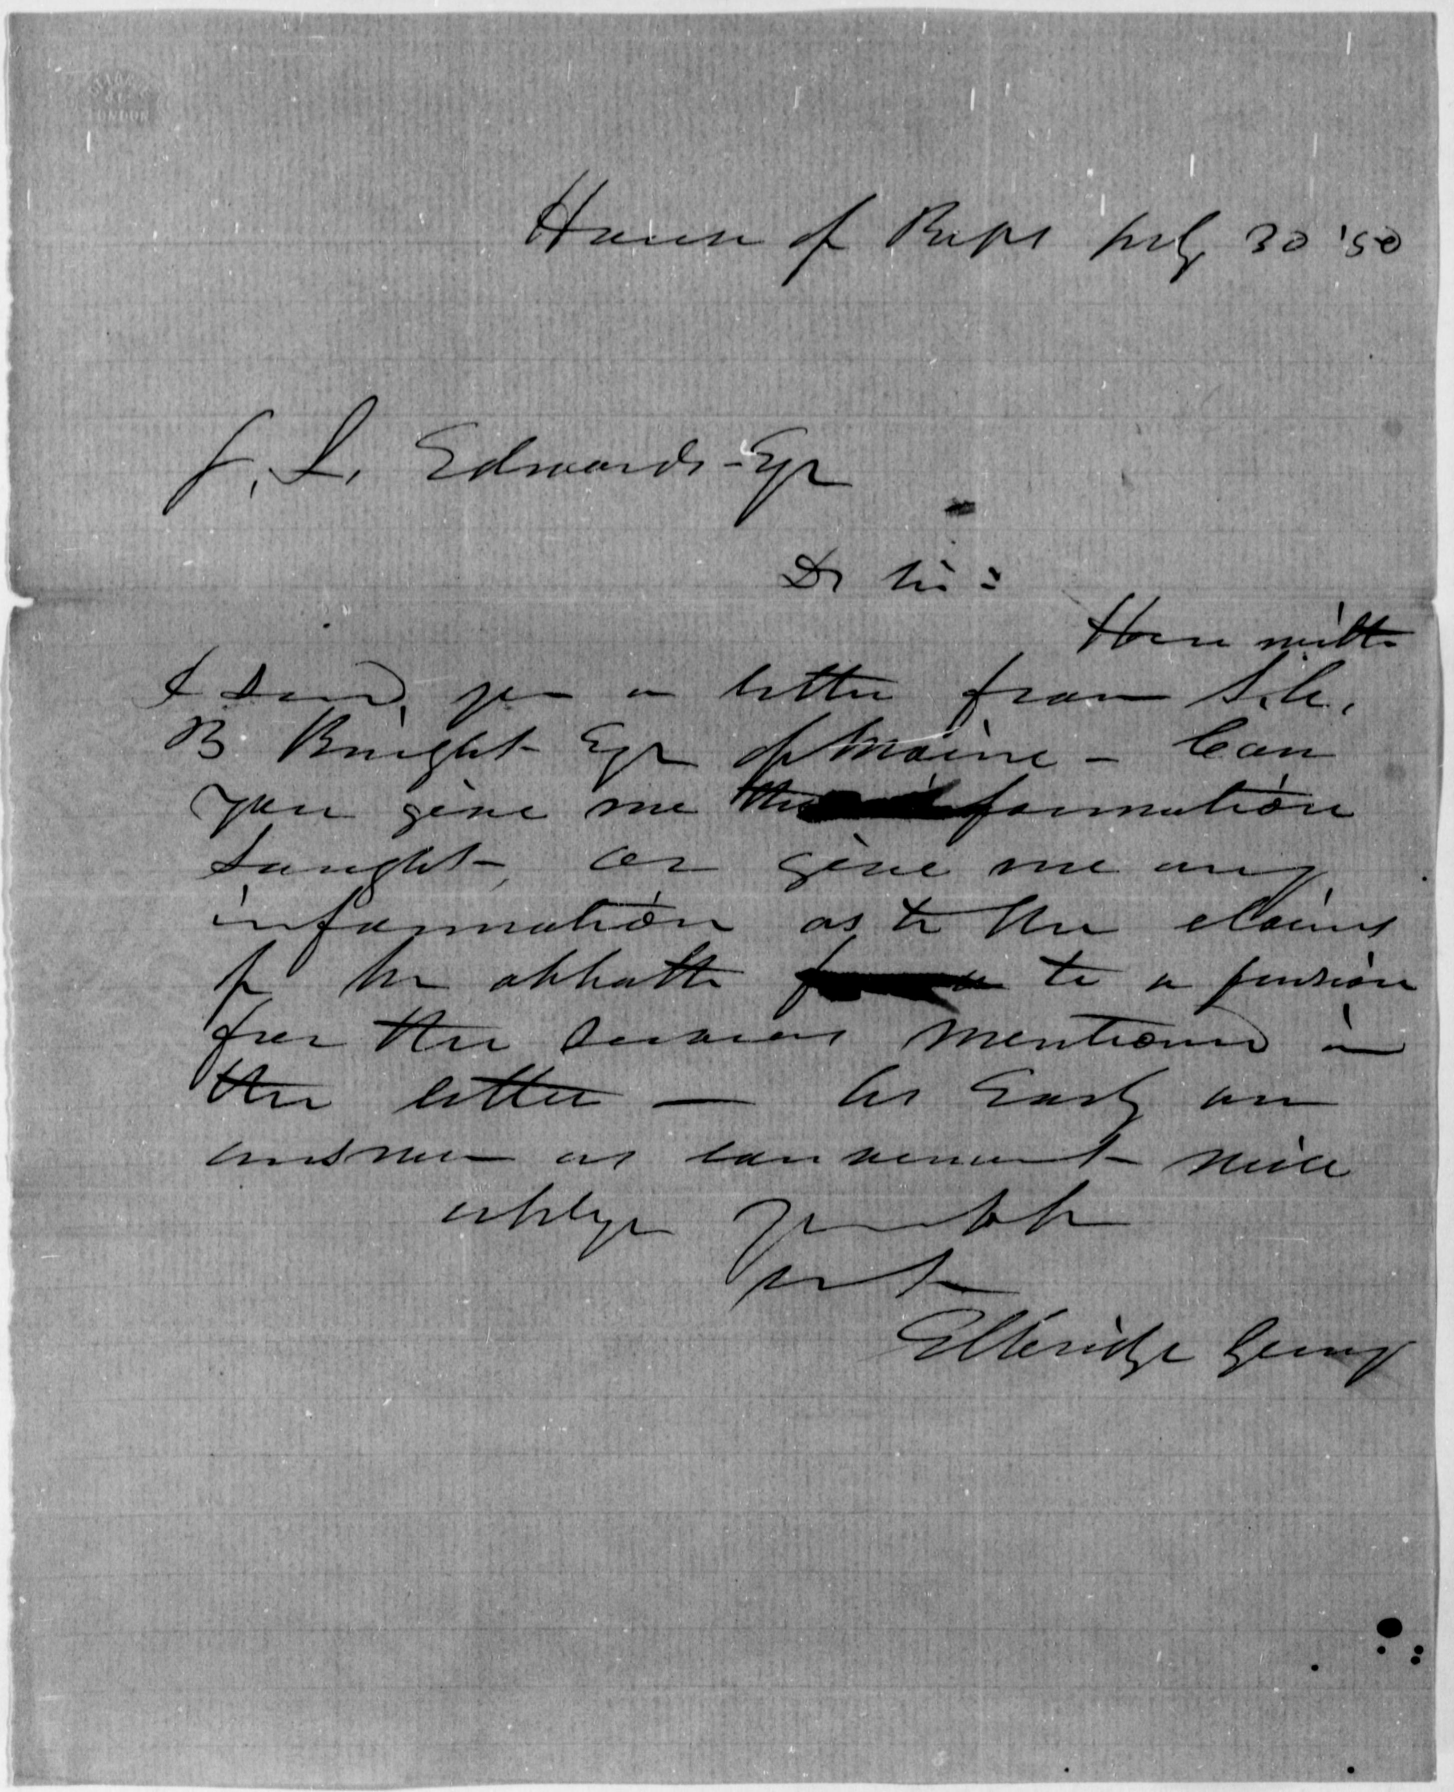House of Reps. July 30, '50
J. L. Edwards, Esq.

Sir, 
Here [illegible]
I sent you a letter from S. H. B. Knight, Esq. of Maine - Can you give me the information sought or give me any information as to the claims of his [illegible] to a pension for the services mentioned in the letter - he [illegible] an answer - as can [illegible] [illegible]
Your obed't serv't
[SIGNED: Elleridge Gerry]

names: J L Edwards, Elbridge Gerry, S H B Knight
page: 69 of 86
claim: survivor's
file: S 29,568, Isaac Abbot, Mass